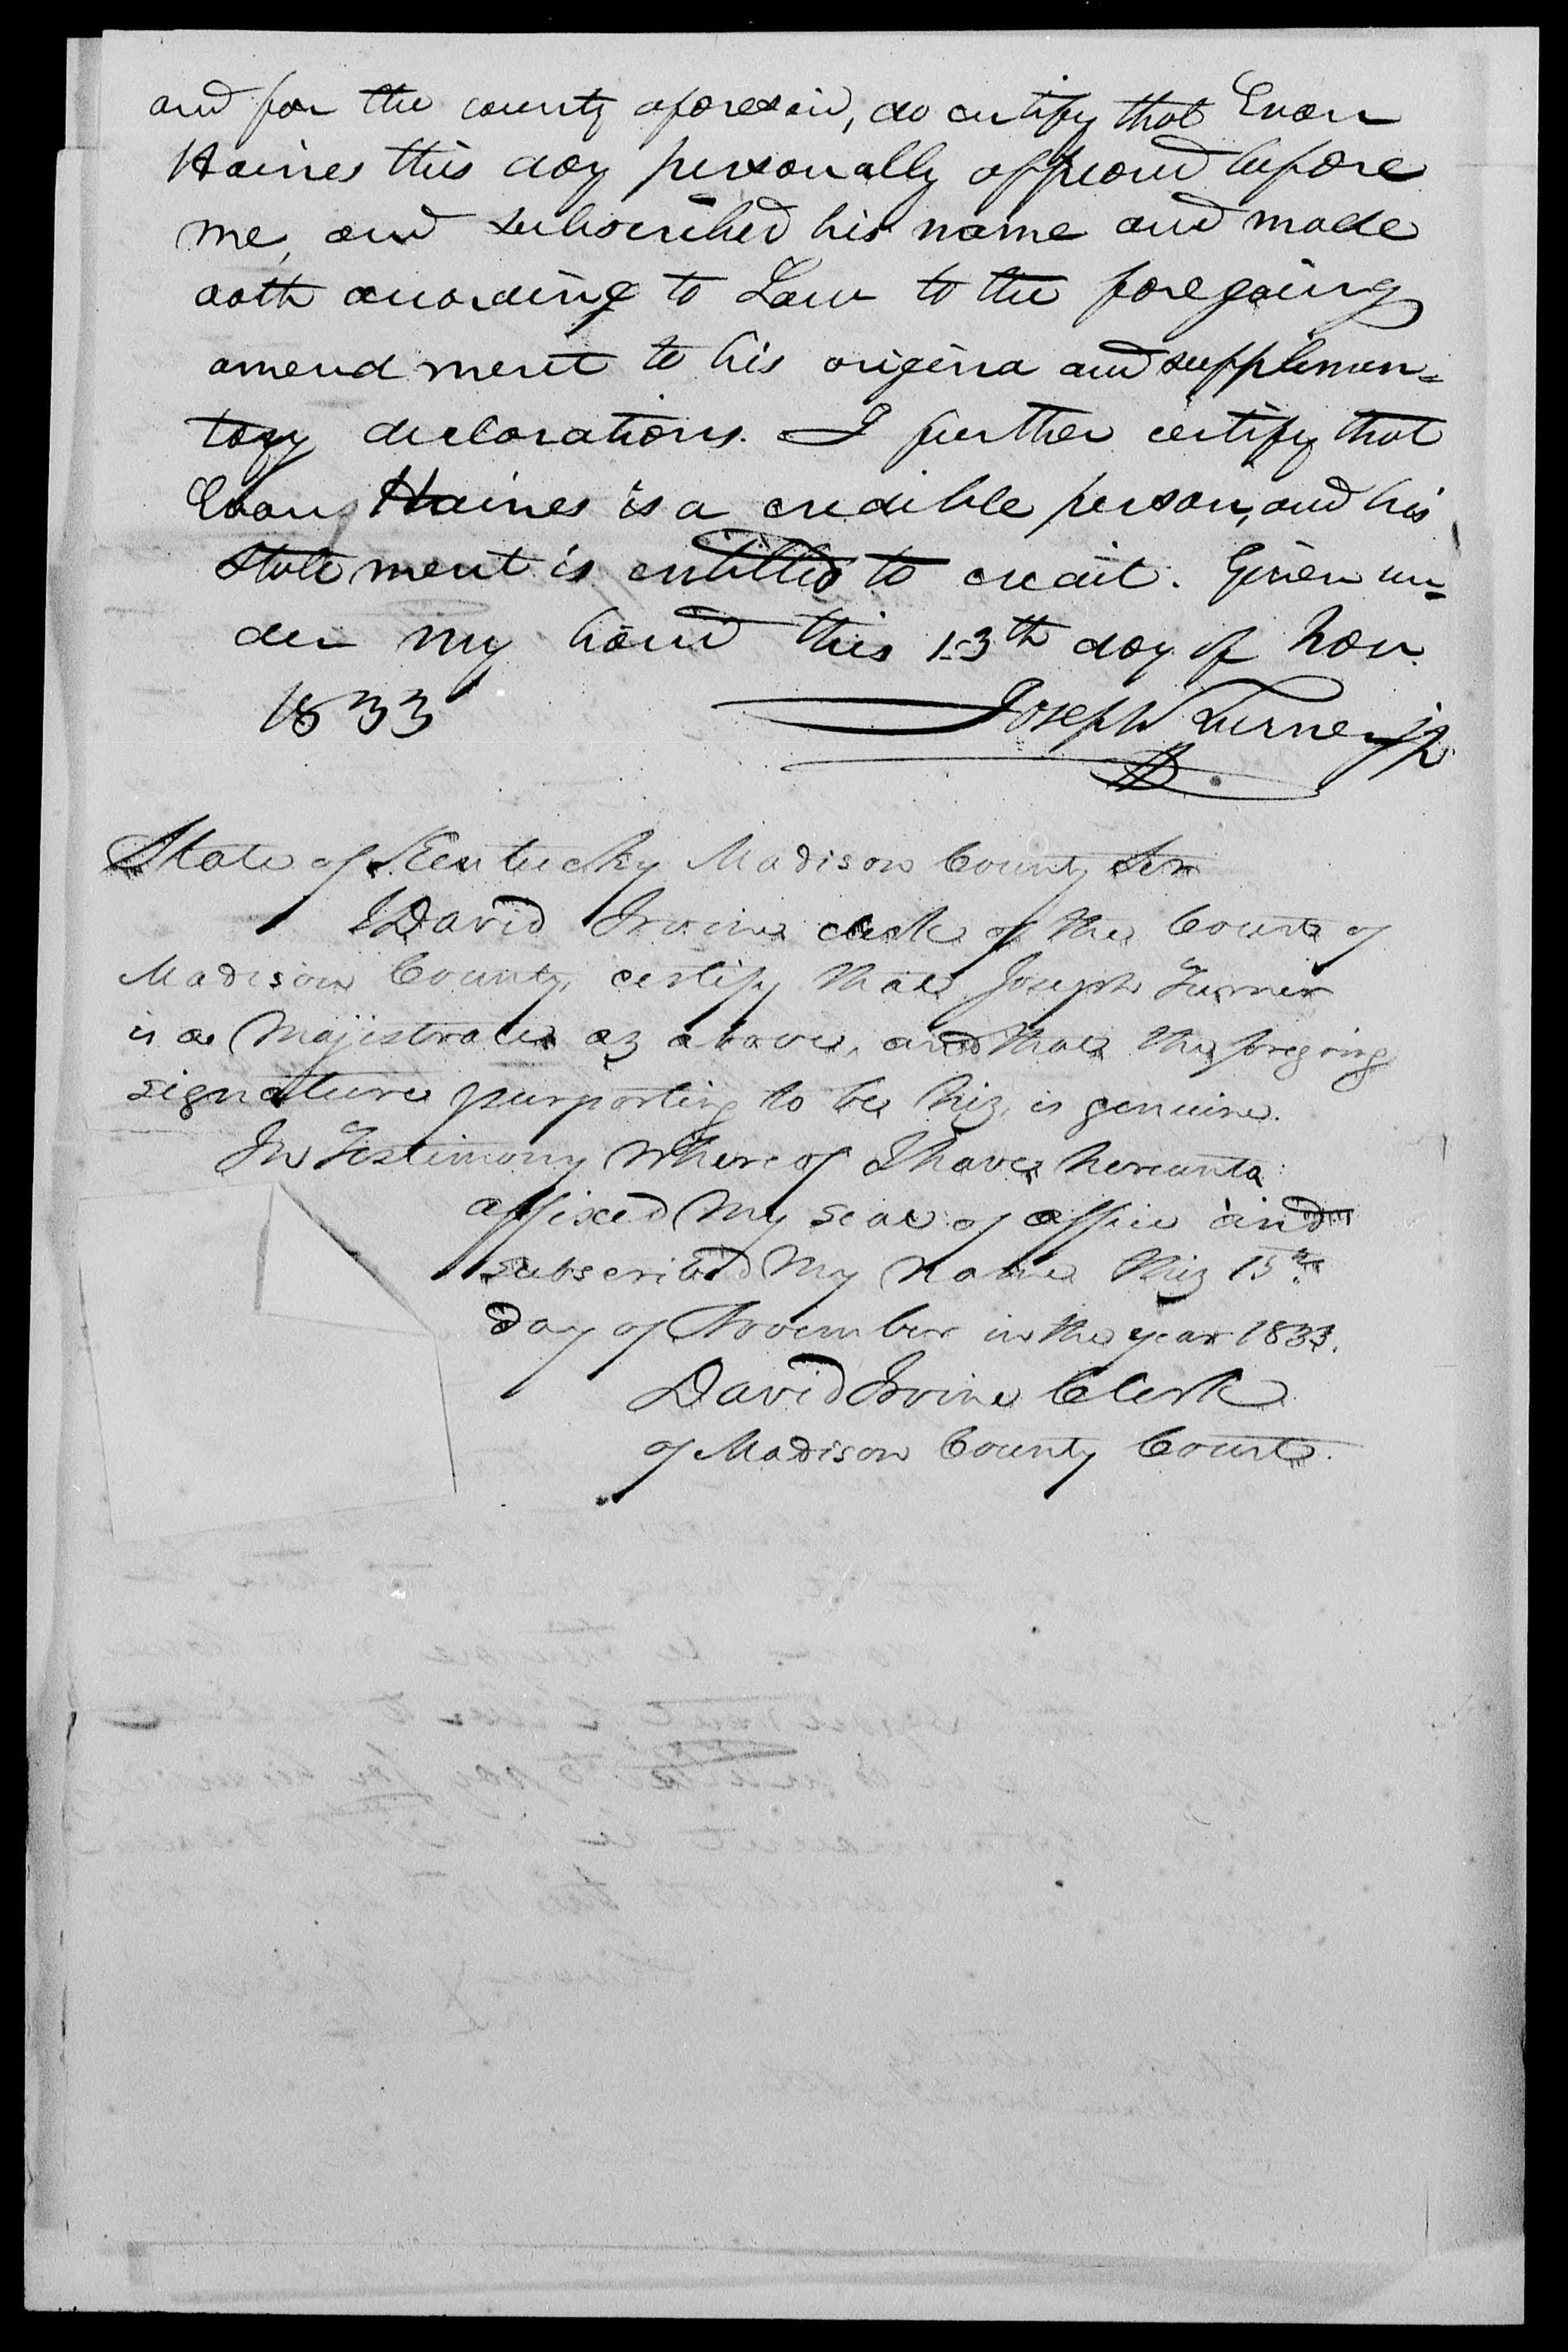and for the county aforesaid, do certify that Evan Haines, this day personally appeared before me, and susbcribed his name and made oath according to Law to the foregoing amendment to his original and supplementary declarations. I further certify that Evan Haines is a credible person and his statement is entitled to    .
Given under my hand this 13th day of Nov. 1833.
Joseph Turner

State of Kentucky Madison County David Irvine Clerk of the County of Madison County certify that Joseph Turner is a Magistrate as above and that the signature purporting to be his is genuine. In Testimony of where I have    my seat of office and subscribed my name this 13th day of November in the year 1833. 
David Irvine Clerk
of Madison County Court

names: Joseph Turner, Joseph Turner, David Irvine, David Irvine, Evan Haines, Evans Haines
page: 34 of 34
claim: widow's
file: W. 8897, Evan Haines, Ga